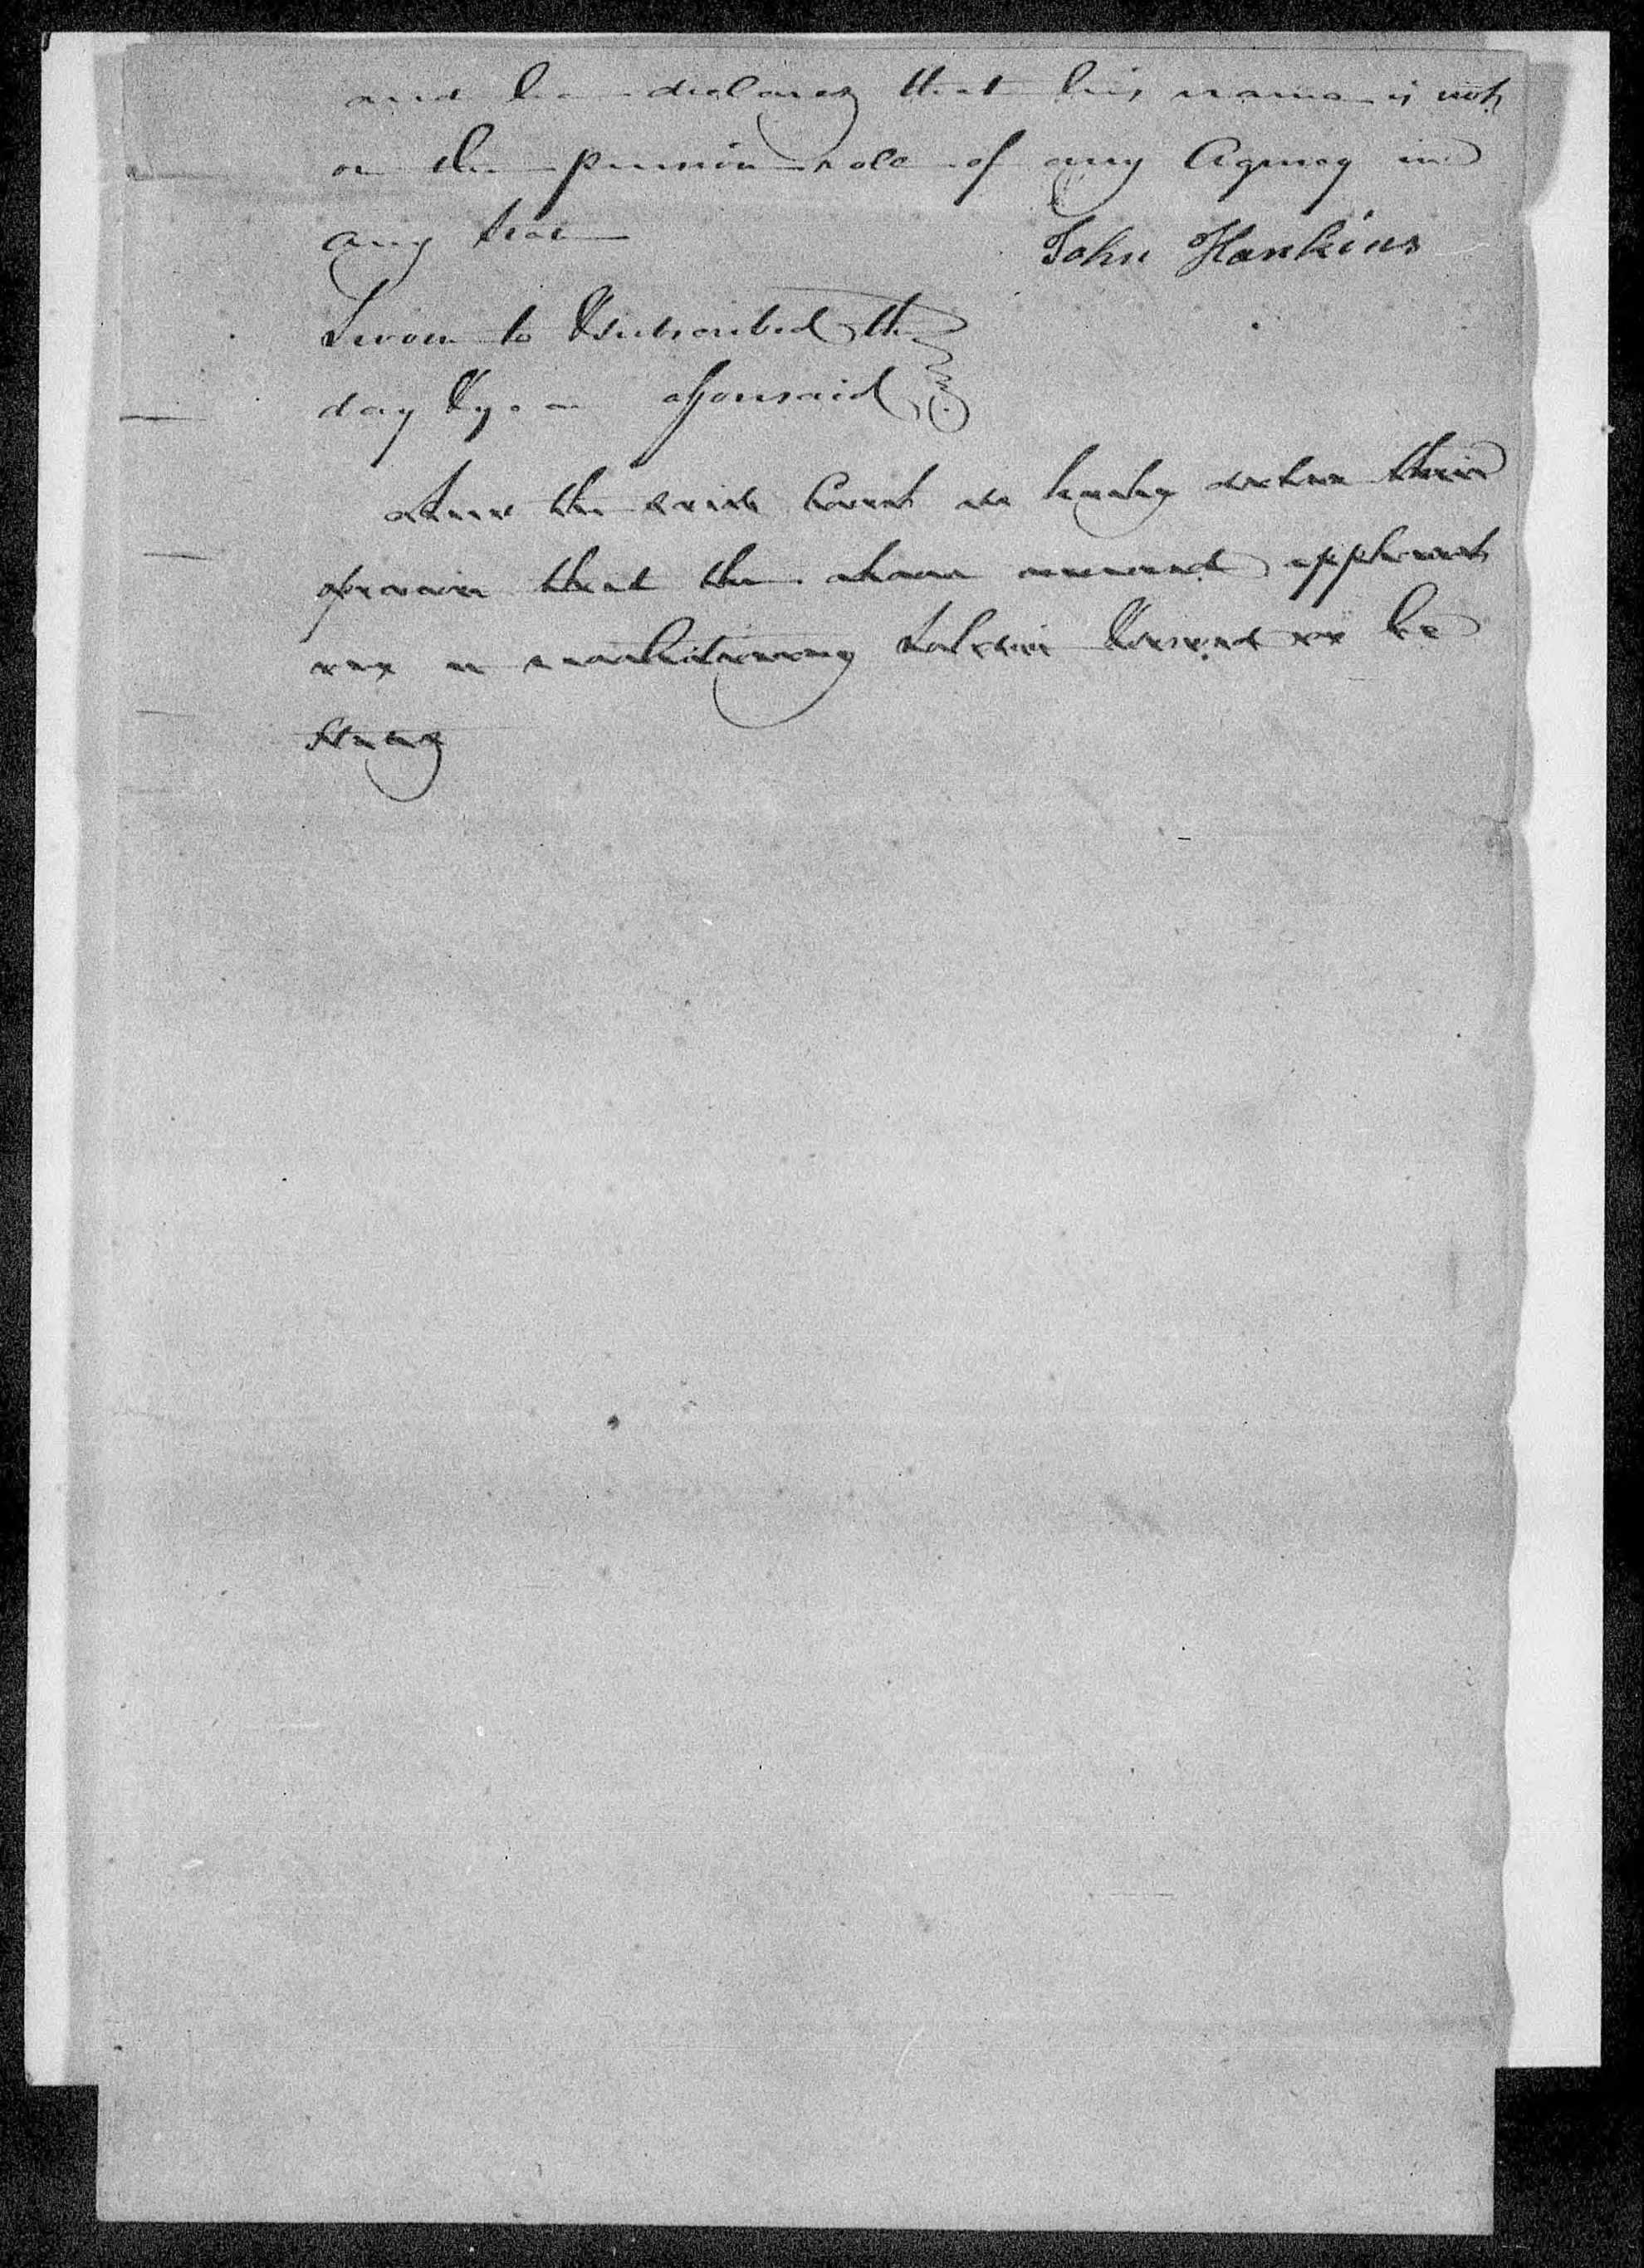and he declares that his name is not on the pension roll of any Agency in any State.
John Hankins

Sworn to & subscribed this day & year aforesaid.
And the said Court does hereby declare their opinion that the above named applicant was a revolutionary Soldier served as he states.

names: John Hankins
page: 6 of 19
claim: survivor's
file: S. 16404, John Hankins, Va.